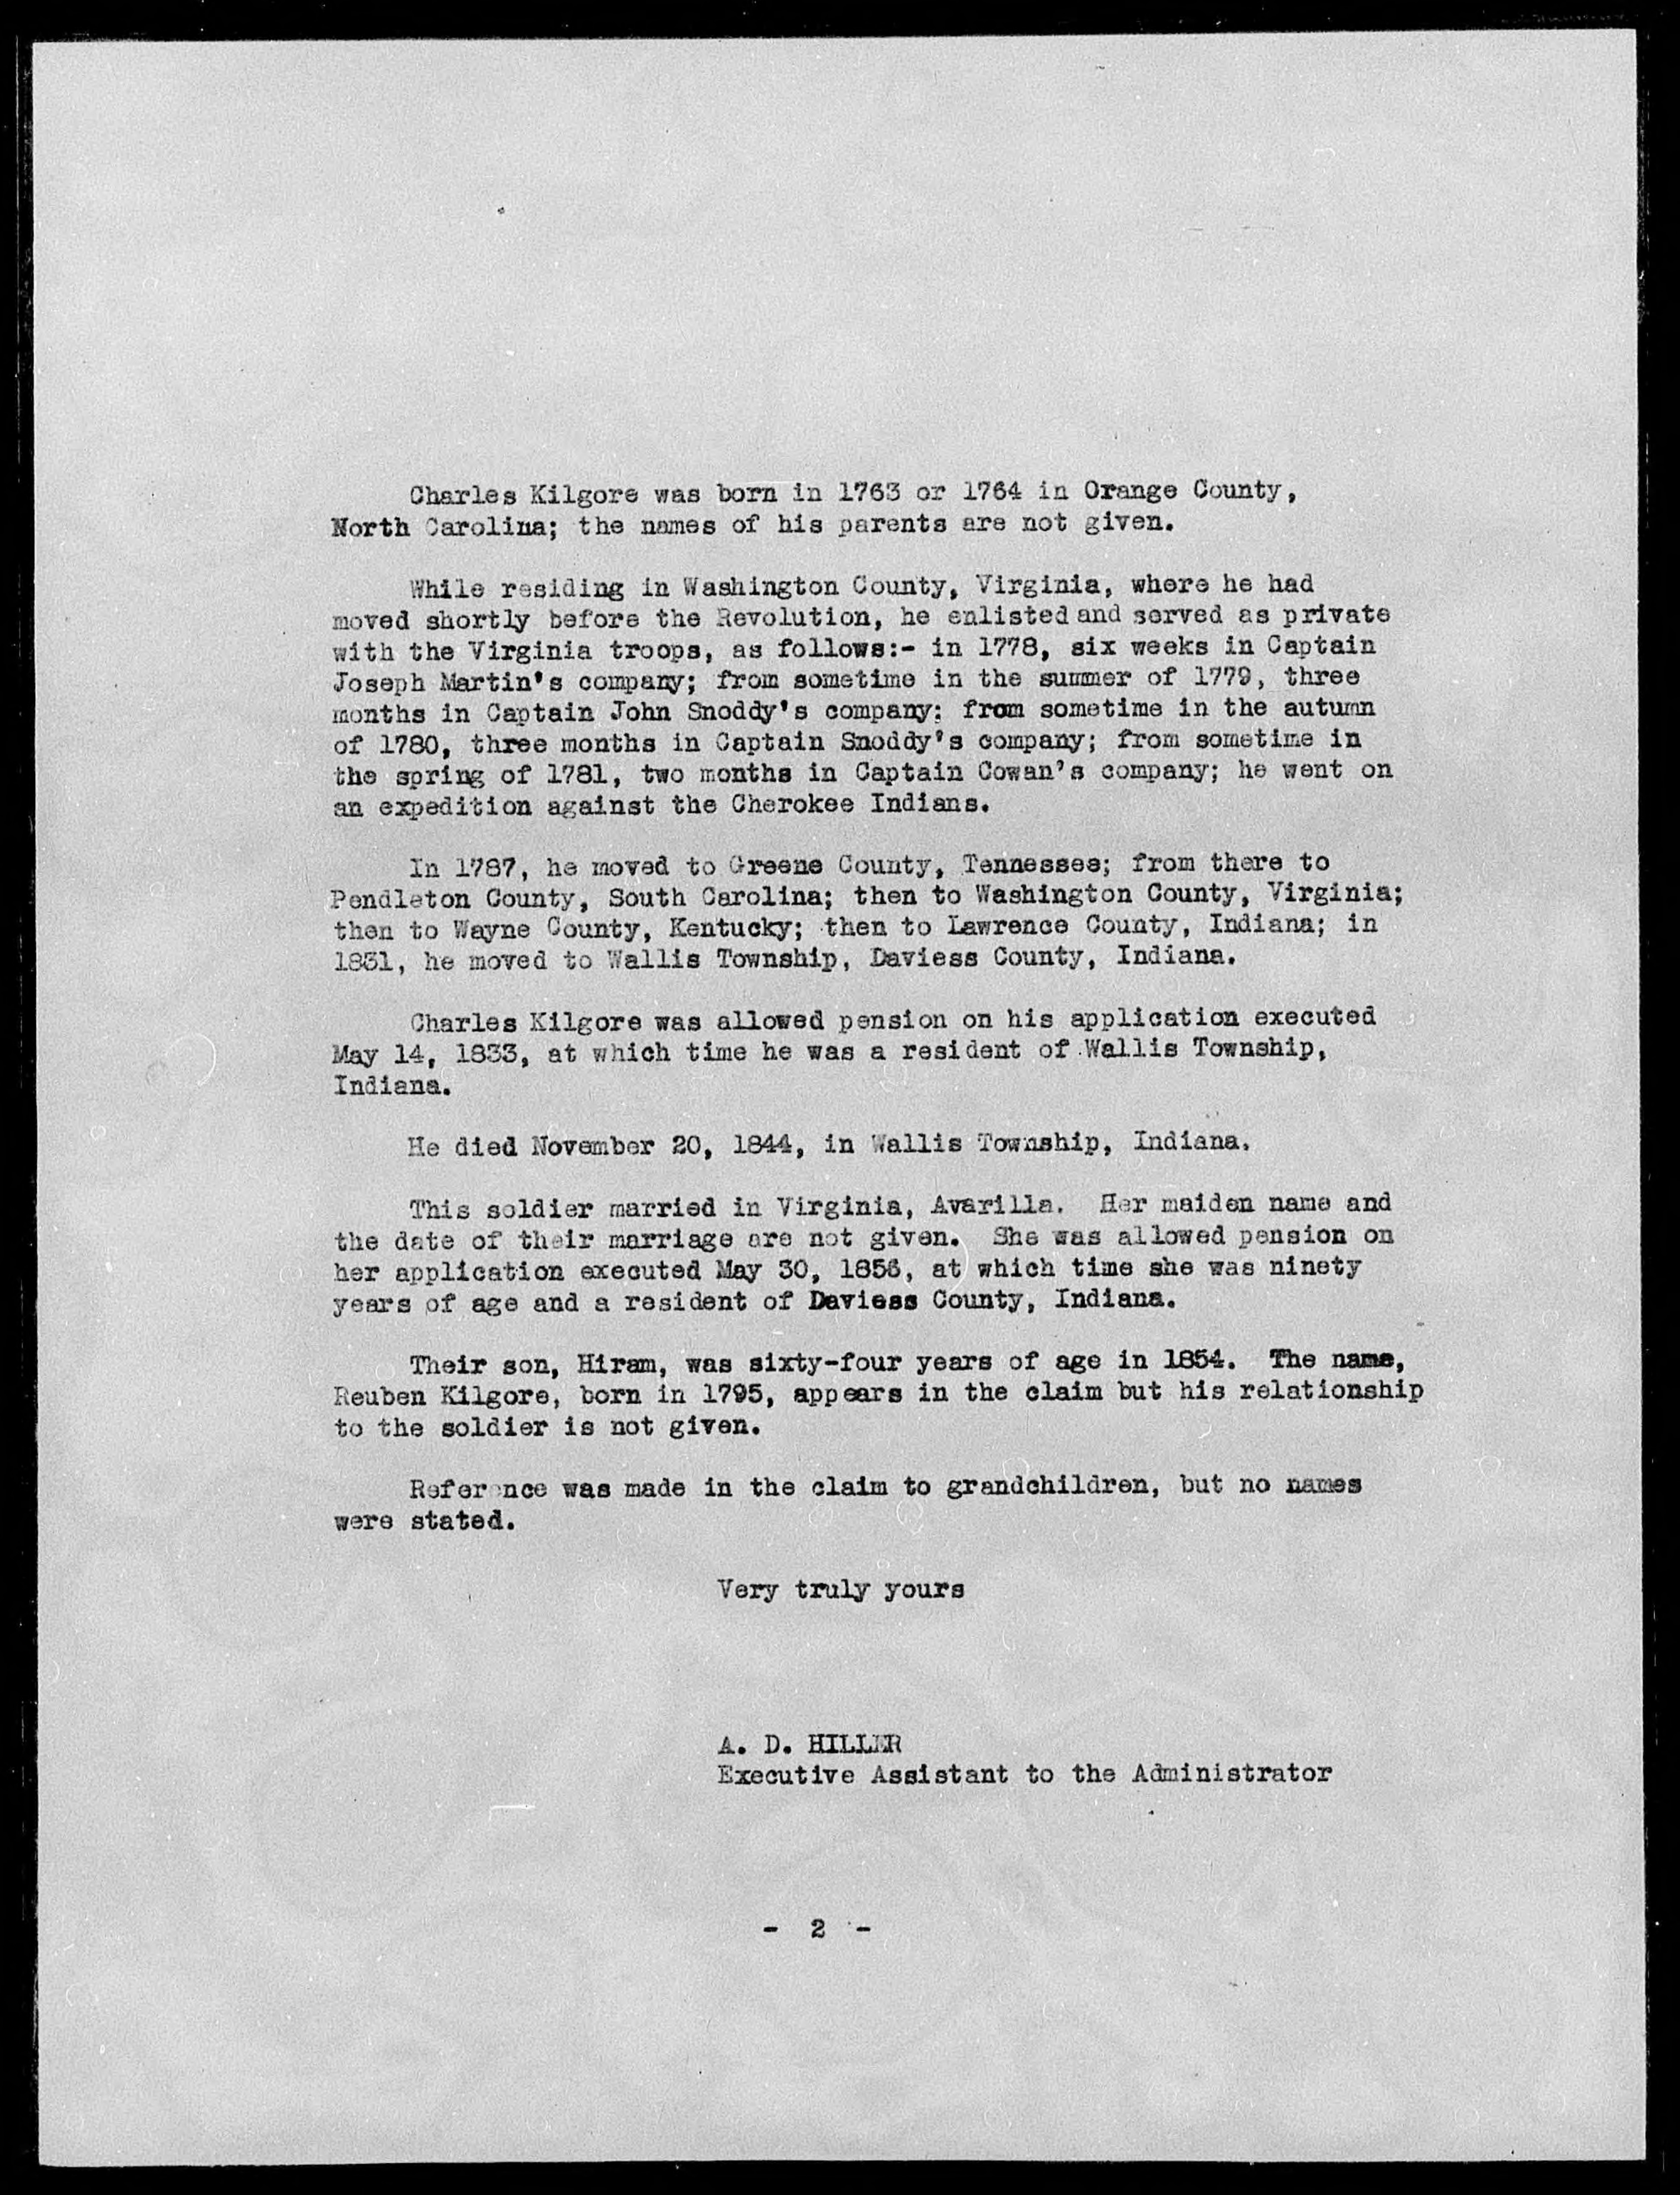Charles Kilgore was born in 1763 or 1764 in Orange County, North Carolina; the names of his parents are not given.
While residing in Washington County, Virginia, where he had moved shortly before the Revolution, he enlisted and served as private with the Virginia troops, as follows:- 1n 1778, six weeks in Captain Joseph Martin's company; from sometime in the summer of 1779, three months in Captain John Snoddy's company: from sometime in the autumn of 1780, three months in Captain Cowan's company; he went on an expedition against the Cherokee Indians.
In 1787, he moved to Green county, Tennessee; from there to Pendleton County, South Carolina; then to Washington County, Virginia; then to Wayne County, Kentucky; then to Lawrence County, Indiana; in 1831, he moved to Wallis Township, Daviess County, Indiana.
Charles Kilgore was allowed pension on his application executed May 14, 1833, at which time he was a resident of Wallis Township, Indiana.
He died November 20, 1844, in Wallis Township, Indiana.
This soldier married in Virginia, Avarilla. Her maiden name and the date of their marriage are not given. She was allowed pension on her application executed May 30, 1856, at which time she was ninety years of age and a resident of Daviess County, Indiana.
Their son, Hiram, was sixty-four years of age in 1854. The name, Reuben Kilgore, born in 1795, appears in the claim but his relationship to the soldier is not given.
Reference was made in the claim to grandchildren, but no names were stated.

Very truly yours
A. D. HILLER
Executive Assistant to the Administrator
 - 2 -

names: Charles Kilgore; Hiram [BLANK]; Reuben Kilgore; A D Hiller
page: 9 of 115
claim: survivor's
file: S. 699, for Charles Kilgore, Virginia